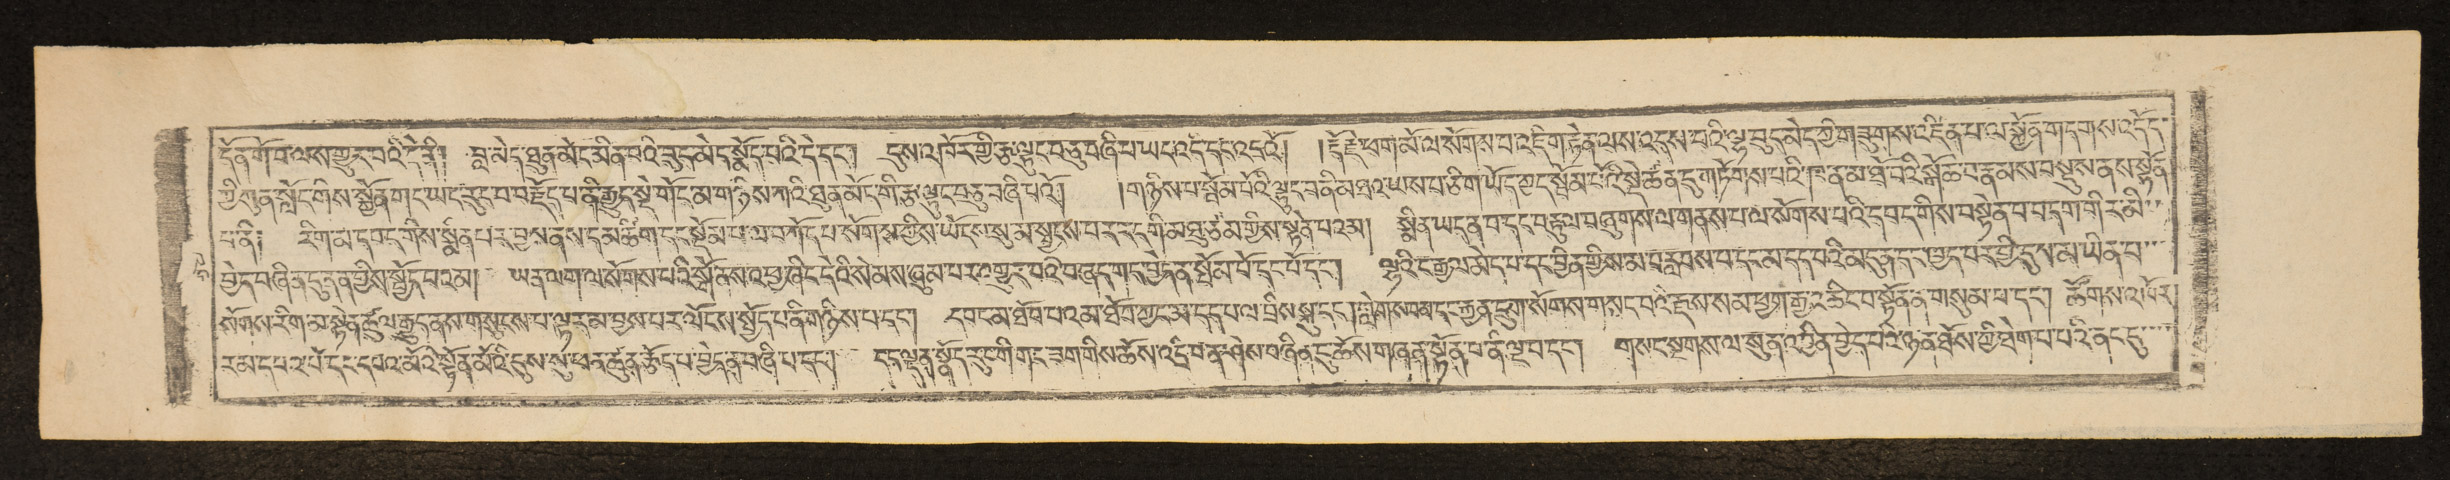དོན་གོ་བ་ལས་གྱུར་བའི་དེ་ནི། བླ་མེད་ཐུན་མོང་མིན་བའི་བུད་མེད་སྨོད་པའི་དེ་དང་། དུས་འཁོར་གྱི་རྩ་ལྟུང་བཅུ་བཞི་པ་ཡང་འདི་དང་འདྲའོ། །རྡོ་རྗེ་ཕག་མོ་ལ་སོགས་པ་འཇིག་རྟེན་ལས་འདས་པའི་ལྷ་བུད་མེད་ཀྱི་གཟུགས་འཛིན་པ་ལ་སྐྱོན་གདགས་འདོད་
ཀྱི་ཀུན་སློང་གིས་སྐྱོན་གང་ཡང་རུང་བ་བརྗོད་པ་ནི་རྒྱུད་སྡེ་གོང་མ་གཉིས་ཀའི་ཐུན་མོང་གི་རྩ་ལྟུང་བཅུ་བཞི་པའོ། །གཉིས་པ་སྤོམ་པོའི་ལྟུང་བ་ནི་མཐའ་ཡས་པ་ཅིག་ཡོད་ཀྱང་སྦོམ་པོའི་སྡེ་ཚན་དུ་གཏོགས་པའི་ཁ་ན་མ་ཐོ་བའི་སྒོ་ཆེ་བ་རྣམས་བསྡུས་ནས་སྟོན་
པ་ནི༑ རིག་མ་དབང་གིས་སྨིན་པར་བྱས་ནས་དམ་ཚིག་དང་སྡོམ་པ་ལ་བཀོད་པ་སོགས་ཀྱིས་ཡོངས་སུ་མ་སྦྱངས་བར་རང་གི་མཐུ་ཙམ་གྱིས་སྟེན་པའམ། སྨིན་ཡང་ན་བ་དང་བརྟུལ་བཞུགས་ལ་གནས་པ་ལ་སོགས་པའི་དབང་གིས་བསྟེན་པ་བདག་གིར་མི་
བྱེད་བཞིན་དུ་ནན་གྱིས་སྤྱོད་པའམ། ཡན་ལག་ལ་སོགས་པའི་སྒོ་ནས་འཕྱ་ཞིང་དེའི་སེམས་ཞུམ་པར་འགྱུར་བའི་བཞད་གང་བྱེད་ན་སྤོམ་པོ་དང་པོ་དང་། ལྷའི་ང་རྒྱལ་མེད་པ་དང་བྱིན་གྱིས་མ་བརླབས་པ་དང་མ་དད་པའི་མདུན་དང་ཁྱད་པར་གྱི་དུས་མ་ཡིན་པ་
སོགས་རིག་མ་སྟེན་ཚུལ་རྒྱུད་ནས་གསུངས་པ་ལྟར་མ་བྱས་པར་ལོངས་སྤྱོད་སྦྱིན་པ་ནི་གཉིས་པ་དང་། དབང་མ་ཐོབ་པའམ་ཐོབ་ཀྱང་མ།ཨ་དད་པས་བྲིས་སྐུ་དང་། གླེགས་བམ་དང་རྒྱན་དྲུག་སོགས་གསང་བའི་རྫས་སམ་ཕྱག་རྒྱ་འཆིང་བསྟོན་གསུམ་པ་དང་། ཚོགས་འཁོར་
རམ་དཔའ་བོ་དང་དཔའ་མོའི་སྟོན་མོའི་དུས་སུ་ཕན་ཚུན་རྩོད་པ་བྱེད་ན་བཞི་པ་དང་། དང་ལྡན་སྣོད་རུང་གི་གང་ཟག་གིས་ཆོས་འདྲི་བ་ན་ཤེས་བཞིན་དུ་ཆོས་གཞན་སྟོན་པ་ནི་ལྔ་པ་དང་། གསང་སྔགས་ལ་སུན་འབྱིན་བྱེད་པའི་ཉན་ཐོས་ཀྱི་ཐེག་པ་པའི་ནང་དུ་